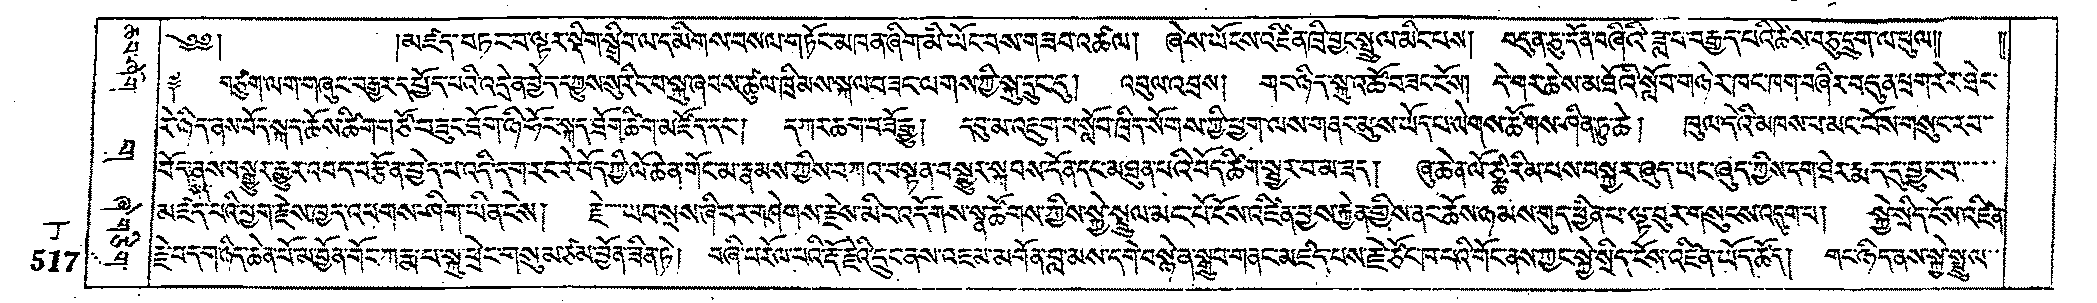༄༅། །མཛད་བཏང་བ་ལྟར་སྡིག་སྒྲིབ་ལ་དམིགས་བསལ་གཏོང་མཁན་ཞིག་མི་ཡོང་བས་གཟབ་འཚལ། ཞེས་ཡོངས་འཛིན་ཁྲི་བྱང་སྤྲུལ་མིང་པས། བདུན་ཅུ་དོན་བཞིའི་ཟླ་བ་བརྒྱད་པའི་ཚེས་བཅུ་དྲུག་ལ་ཕུལ།། །།
འ་གཙུག་ལག་གཞུང་བརྒྱར་དཔྱོད་པའི་འདྲེན་བྱེད་དཀྱུས་སུ་རིང་བ་སྐུ་ཞབས་ཚུལ་ཁྲིམས་སྐལ་བཟང་ལགས་ཀྱི་སྐུ་དྲུང་དུ། འབུལ་འབྲས། གང་ཉིད་སྐུ་འཚོ་བཟང་ངོས། དེ་གར་ཆེས་མཐོའི་སློབ་གཉེར་ཁང་ཁག་བཞིར་བདུན་ཕྲག་རེར་ཐེང་
རེ་ཉིད་ནས་བོད་སྐད་ཆོས་ཚིག་གཙོ་བཟུང་ཐོག་ཉི་ཧོང་སྐད་ཐོག་ཚིག་མཛོད་དང་། དཀར་ཆག་བཟོ་རྒྱུ། དབུ་མ་འཇུག་པ་སློབ་ཁྲིད་སོགས་ཀྱི་ཕྱག་ལས་གནང་མུས་ཡོད་པ་ལེགས་ཚོགས་ཤིན་ཏུ་ཆེ། ཁུལ་དེའི་མཁས་པ་མང་པོས་གསུང་རབ་་་
བོད་སྐད་ནས་བསྒྱུར་རྒྱུར་འབད་བརྩོན་བྱེད་པ་འདི་དག་རང་རེ་བོད་ཀྱི་ལོ་ཆེན་གོང་མ་རྣམས་ཀྱིས་བཀའ་བསྟན་བསྒྱུར་སྐབས་དོན་དང་མཐུན་པའི་བོད་ཚིག་སྦྱར་བ་མ་ཟད། ཞུ་ཆེན་ལོ་ཙྪ་རིམ་པས་བསྐྱར་ཞུད་ཡང་ཞུད་ཀྱིས་དག་ཐེར་རྨད་དུ་བྱུང་བ་་་
མཛད་པའི་ཕྱག་རྗེས་ཁྱད་འཕགས་ཤིག་ཡིན་ངེས། རྗེ་་་ཡབ་སྲས་ཞི་བར་གཤེགས་རྗེས་མིང་འདོགས་སྣ་ཚོགས་ཀྱིས་སྐྱེ་སྤྲུལ་མང་པོ་ངོས་འཛིན་བྱས་རྐྱེན་གྱིས་ནང་ཆོས་ཉམས་གུད་ཕྱིན་པ་ལྟ་བུར་གསུངས་འདུག་པ། སྐྱེ་སྲིད་ངོས་འཛིན་
རྗེ་བདག་ཉིད་ཆེན་པོ་མ་བྱོན་གོང་ཀརྨ་པ་སྐུ་ཕྲེང་གསུམ་ཙམ་བྱོན་ཟིན་ཏེ། བཞི་པ་རོལ་པའི་རྡོ་རྗེའི་དྲུང་ནས་འཇམ་མགོན་བླ་མས་དགེ་བསྙེན་སྒྲུབ་གནང་མཛད་པས་རྗེ་ཙོང་ཁ་པའི་གོང་ནས་ཀྱང་སྐྱེ་སྲིད་ངོས་འཛིན་ཡོད་ཚོད། གང་ཉིད་ནས་སྐྱེ་སྤྲུལ་་་